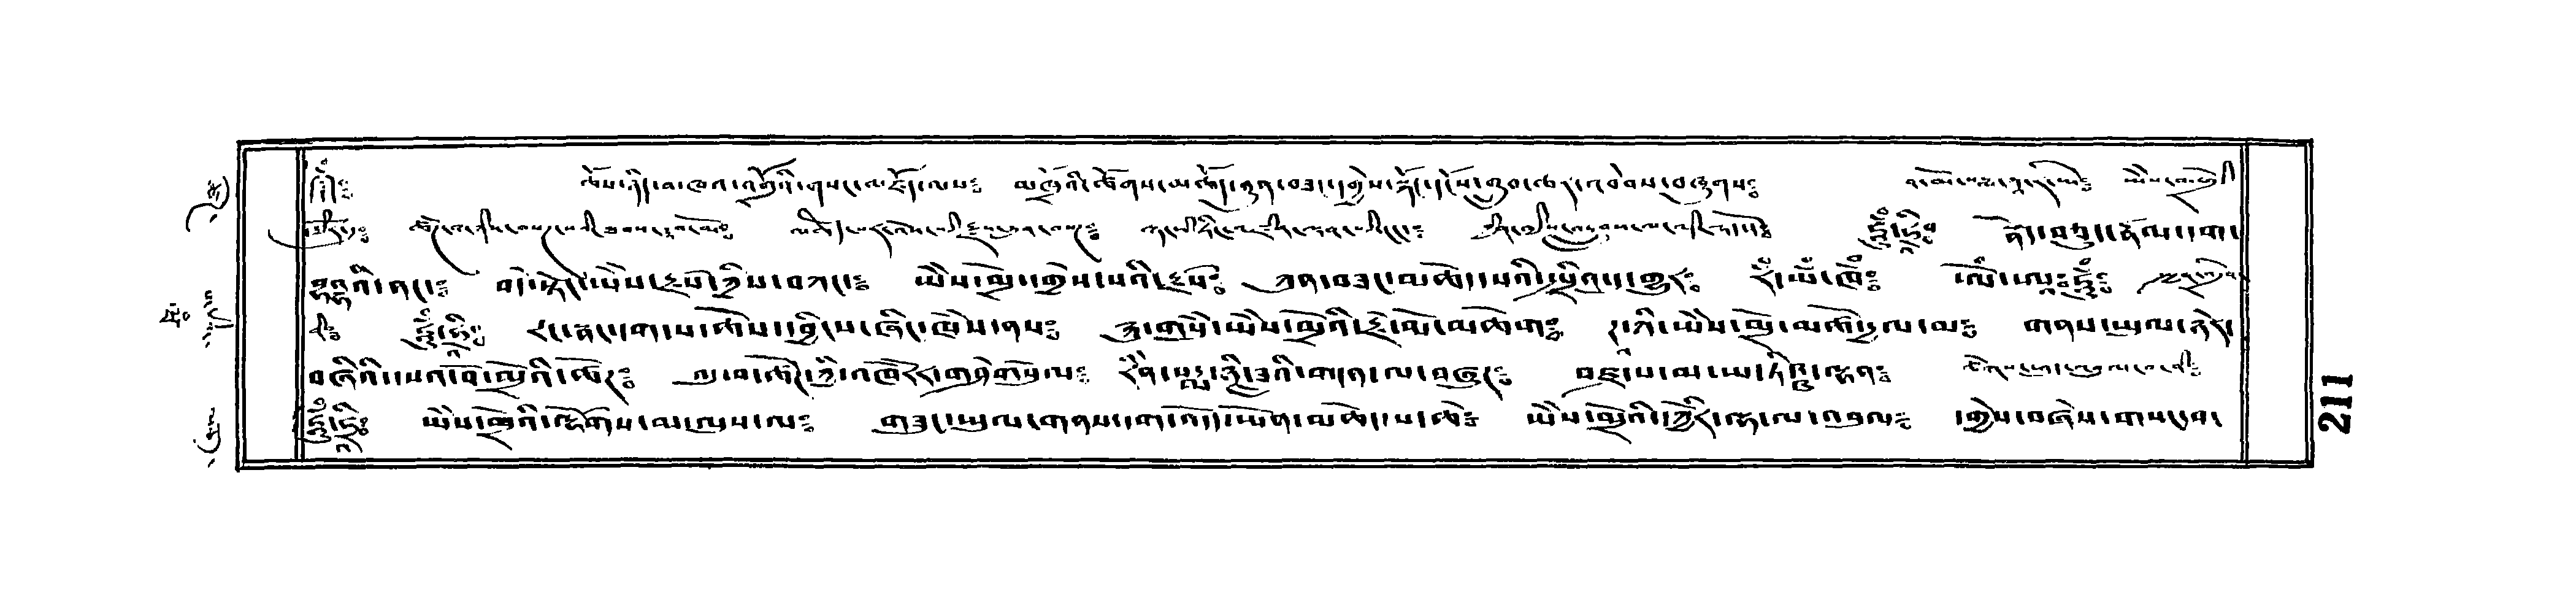ཆོས་ཉིད་མཁའ་འགྲོའི་གསང་མཛོད་ལས༔ མཁའ་འགྲོའི་ཚོགས་མཆོད་ཀུན་བཟང་དགྱེས་སྐོང་དངོས་གྲུབ་ཆར་འབེབས་བཞུགས༔ ན་མོ་པདྨ་ཀཱ་ར་ཡེ༔ ཡེ་ཤེས་མཁའ་འགྲོའི་
དཀྱིལ་འཁོར་དུ༔ ཚོགས་གཉིས་བསགས་པའི་ཐབས་ཟབ་མོ༔ མཆོད་པར་འོས་བའི་རྫས་ཀུན་བསགས༔ ལྷ་ཡི་ཏིང་འཛིན་ལྡན་པའི་ངང༔ བྱིན་གྱིས་བརླབས་ལ་འདི་སྐད་དོ༔ ཧཱུྃ་ཧྲཱིཿ སྣོད་བཅུད་རྣམ་དག་
བྷནྡྷའི་ནང༔ བདེ་སྟོང་ཡེ་ཤེས་རྫས་ཀྱིས་བཀང༔ ཡེ་ཤེས་མཁའ་འགྲོ་དགྱེས་པའི་རྫས༔ ཀུན་བཟང་མཆོད་པའི་སྤྲིན་དུ་གྱུར༔ རྃ་ཡྃ་ཁྃ༔ ཨོཾ་ཨཱཿཧཱུྃ༔ སྤྱན་འདྲེན་
ནི༔ ཧཱུྃ་ཧྲཱིཿ རང་སྣང་དག་པ་ཆོས་དབྱིངས་ཞིང་ཁམས་ནས༔ སྐུ་གསུམ་ཡེ་ཤེས་མཁའ་འགྲོའི་རྗེ་མོ་མཆོག༔ ཌཱ་ཀི་ཡེ་ཤེས་མཁའ་འགྲོ་མཚོ་རྒྱལ་མ༔ གནས་ཡུལ་ཉེར་
བཞིའི་དཔའ་བོ་མཁའ་འགྲོ་ཚོགས༔ འདུ་བ་ཚོགས་ཀྱི་འཁོར་ལོར་གཤེགས་སུ་གསོལ༔ རིན་ཆེན་པདྨ་ཉི་ཟླའི་གདན་ལ་བཞུགས༔ བཛྲ་ས་མ་ཡ་ཏིཥྛ་ལྷན༔ ཚོགས་ཕུད་འབུལ་བ་ནི༔
 ཧཱུྃ་ཧྲཱིཿ ཡེ་ཤེས་མཁའ་འགྲོའི་ལྷ་ཚོགས་མ་ལུས་ལ༔ གཟུང་ཡུལ་གནས་དག་འདོད་ཡོན་མཆོད་པ་ཆེ༔ ཡེ་ཤེས་མཁའ་འགྲོའི་དཀྱིལ་འཁོར་ལྷ་ལ་འབུལ༔ དགྱེས་བཞེས་གསང་བ་